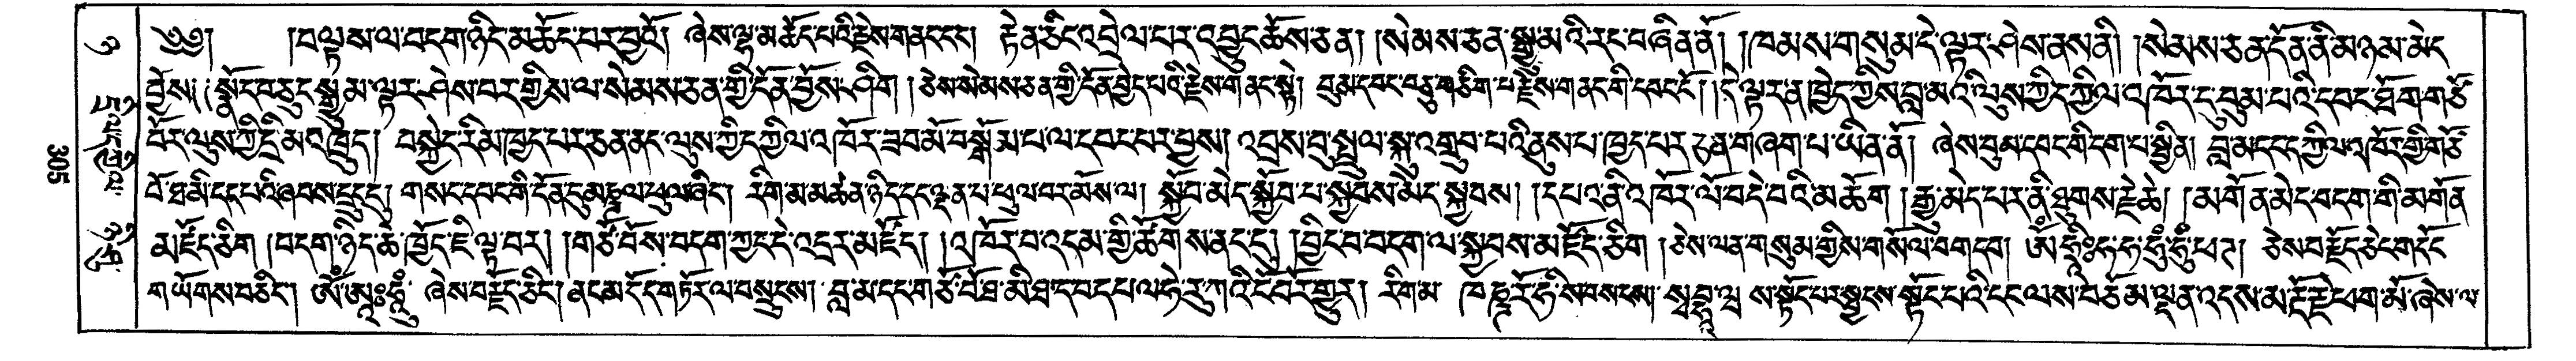༄༅། །བལྟས་ལ་བདག་ཉིད་མཆོད་པར་བྱའོ། ཞེས་ལྷ་མཆོད་པའི་རྗེས་གནང་དང་། རྟེན་ཅིང་འབྲེལ་པར་འབྱུང་ཆོས་ཅན། །སེམས་ཅན་སྒྱུ་མའི་རང་བཞིན་ནོ། །ཁམས་གསུམ་དེ་ལྟར་ཤེས་ནས་ནི། །སེམས་ཅན་དོན་ནི་མཉམ་མེད་
བྱོས༑ ༑སྣོད་བཅུད་སྒྱུ་མ་ལྟར་ཤེས་པར་གྱིས་ལ་སེམས་ཅན་གྱི་དོན་བྱོས་ཤིག །ཅེས་སེམས་ཅན་གྱི་དོན་བྱེད་པའི་རྗེས་གནང་སྟེ། བུམ་དབང་བཅུ་གཅིག་པ་རྗེས་གནང་གི་དབང་ངོ། །དེ་ལྟར་ན་ཁྱེད་ཀྱིས་བླ་མའི་ལུས་ཀྱི་དཀྱིལ་འཁོར་དུ་བུམ་པའི་དབང་ཐོབ། གཙོ་
བོར་ལུས་ཀྱི་དྲི་མ་འཁྲུད། བསྐྱེད་རིམ་ཁྱད་པར་ཅན་ནང་ལུས་ཀྱི་དཀྱིལ་འཁོར་ཟབ་མོ་བསྒོམ་པ་ལ་དབང་བར་བྱས། འབྲས་བུ་སྤྲུལ་སྐུ་འགྲུབ་པའི་ནུས་པ་ཁྱད་པར་ཅན་བཞག་པ་ཡིན་ནོ། ཞེས་བུམ་དབང་གི་དག་པ་སྦྱིན། བླ་མ་དང་དཀྱིལ་འཁོར་གྱི་གཙོ་
བོ་ཐ་མི་དད་པའི་ཞབས་དྲུང་དུ། གསང་དབང་གི་དོན་དུ་མཎྜལ་ཕུལ་ཞིང་། རིག་མ་མཚན་ཉིད་དང་ལྡན་པ་ཕུལ་བར་མོས་ལ། སྐྱོབ་མེད་སྐྱོབ་པ་སྐྱབས་མེད་སྐྱབས། །དཔའ་ནི་འཁོར་ལོ་བདེ་བའི་མཆོག །རྒྱུ་མེད་པར་ནི་ཐུགས་རྗེ་ཆེ། །མགོན་མེད་བདག་གི་མགོན་
མཛོད་ཅིག །བདག་ཉིད་ཆེ་ཁྱོད་ཇི་ལྟ་བར། །གཙོ་བོས་བདག་ཀྱང་དེ་འདྲར་མཛོད། །འཁོར་བ་འདམ་གྱི་ཚོགས་ནང་དུ། །བྱིང་བ་བདག་ལ་སྐྱབས་མཛོད་ཅིག །ཅེས་ལན་གསུམ་གྱིས་གསོལ་བ་གདབ། ཨོཾ་ཧྲཱིཿ ཧ་ཧ་ཧུཾ་ཧུཾ་ཕཊ། ཅེས་བརྗོད་ཅིང་གདོང་
གཡོགས་བཅིང་། ཨོཾ་ཨཱཿ ཧཱུཾ་ཞེས་བརྗོད་ཅིང་། ནང་མཆོད་གཏོར་ལ་བསྲུངས། བླ་མ་དང་གཙོ་བོ་ཐ་མི་ཐད་པ་དཔལ་ཧེ་རུ་ཀའི་ངོ་བོར་གྱུར། རིག་མ་ཁཎྜ་རོ་ཧིས་བསངས། སྭ་བྷཱ་ཝས་སྟོང་པར་སྦྱངས། སྟོང་པའི་ངང་ལས་བཅོམ་ལྡན་འདས་མ་རྡོ་རྗེ་ཕག་མོ་ཞེས་པ་